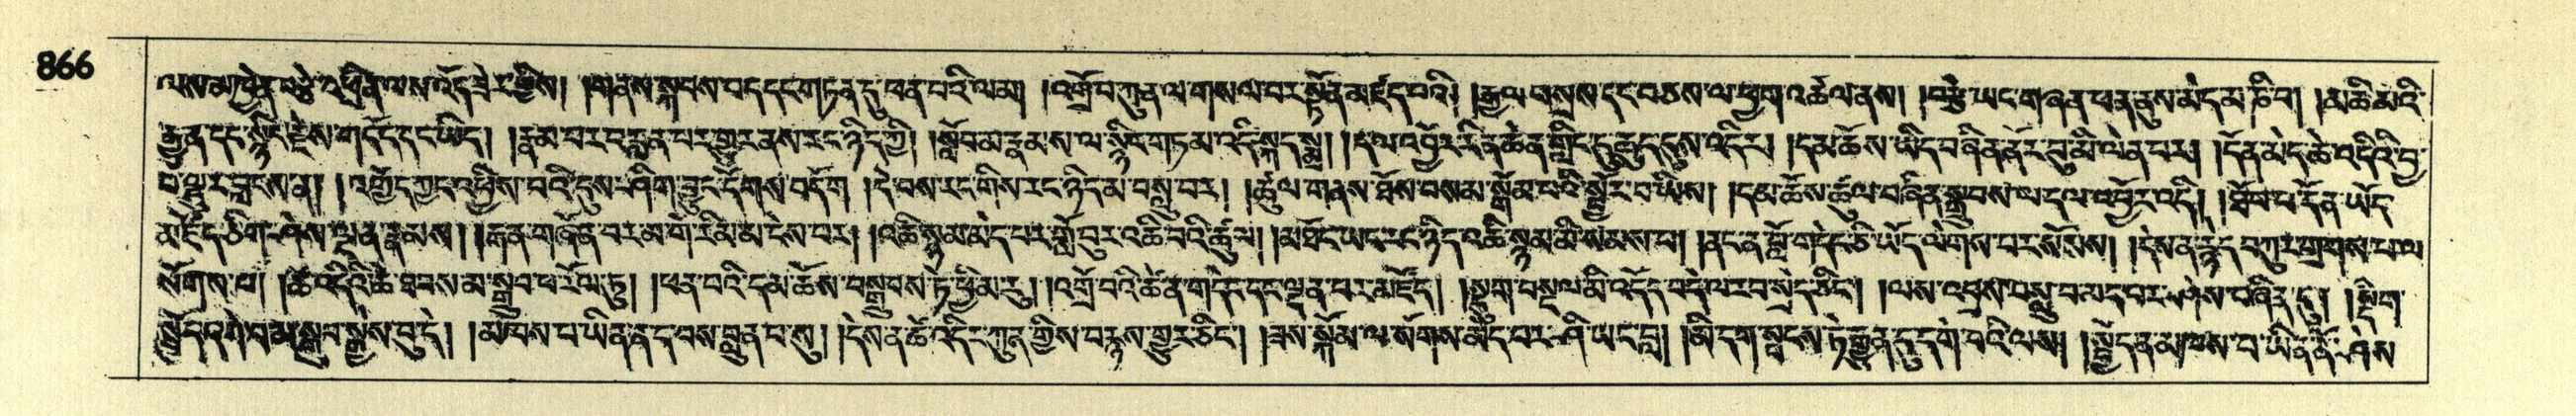ལས་མཁྱེན་བརྩེ་འཕྲིན་ལས་འོད་ཟེར་གྱིས། །གནས་སྐབས་བད་དང་གཏན་དུ་ཕན་པའི་ལམ། །འགྲོ་བ་ཀུན་ལ་གསལ་བར་སྟོན་མཛད་པའི། །རྒྱལ་བ་སྲས་དང་བཅས་ལ་ཕྱག་འཚལ་ནས། །བརྩེ་ཡང་གཞན་ཕན་ནུས་མེད་མ་ཎི་བ། །མཆི་མའི་
རྒྱུན་དང་སྙིང་རྗེས་གདོང་དང་ཡིད། །རྣམ་བར་བརླན་པར་གྱུར་ནས་རང་ཉིད་ཀྱི། །སློབ་མ་རྣམས་ལ་སྙིང་གཏམ་འདི་སྐད་སྨྲ། །དལ་འབྱོར་རིན་ཆེན་གླིང་དུ་ཆུད་དུས་འདིར། །དམ་ཆོས་ཡིད་བཞིན་ནོར་བུ་མི་ལེན་པར། །དོན་མེད་ཚེ་འདིའི་བྱ་
བ་ལྷུར་བླངས་ན། །འགྱོད་ཀྱང་འཕྱིས་པའི་དུས་ཤིག་བྱུང་དོགས་བདོག །དེ་བས་རང་གིས་རང་ཉིད་མ་བསླུ་བར། །ཚུལ་གནས་ཐོས་བསམ་སྒོམ་པའི་སྦྱོར་བ་ཡིས། །དམ་ཆོས་ཚུལ་བཞིན་སྒྲུབས་ལ་དལ་འབྱོར་འདི། །ཐོབ་པ་དོན་ཡོད་
མཛོད་ཅིག་ཤེས་ལྡན་རྣམས། །རྒན་གཞོན་བར་མ་གོ་རིམ་མ་ངེས་བར། །འཆི་སྙམ་མེད་པར་གློ་བུར་འཆི་བའི་ཚུལ། །མཐོང་ཡང་རང་ཉིད་འཆི་སྙམ་མི་སེམས་པ། །ནང་ན་བློ་གདེང་ཅི་ཡོད་ལེགས་པར་སོམས། །དེས་ན་རྙེད་བཀུར་གྲགས་པ་ལ་
སོགས་པ། །ཚེ་འདིའི་ཚེ་ཐབས་མ་སྒྲུབ་ཕ་རོལ་ཏུ། །ཕན་པའི་དམ་ཆོས་བསྒྲུབས་ཏེ་ཕྱི་མ་རུ། །འགྲོ་བའི་ཚེ་ན་གདེང་དང་ལྡན་པར་མཛོད། །སྡུག་བསྔལ་མི་འདོད་བདེ་ལ་རབ་སྲེད་ཅིང་། །ལས་འབྲས་བསླུ་བ་མེད་བར་ཤེས་བཞིན་དུ། །སྡིག་
སྤྱོད་དགེ་བ་མ་སྒྲུབ་སྒྱེས་བུ་དེ། །མཁས་པ་ཡིན་ན་ད་བས་བླུན་བ་སུ། །དེས་ན་ཚེ་འདིར་ཀུན་གྱིས་བརྙས་གྱུར་ཅིང་། །ཟས་སྐོམ་ལ་སོགས་མེད་བར་ཤི་ཡང་བླ། །མི་དག་སྤངས་ཏེ་རྒྱུན་དུ་དགེ་བའི་ལས། །སྤྱོད་ན་མཁས་བ་ཡིན་ནོ་ཤེས་